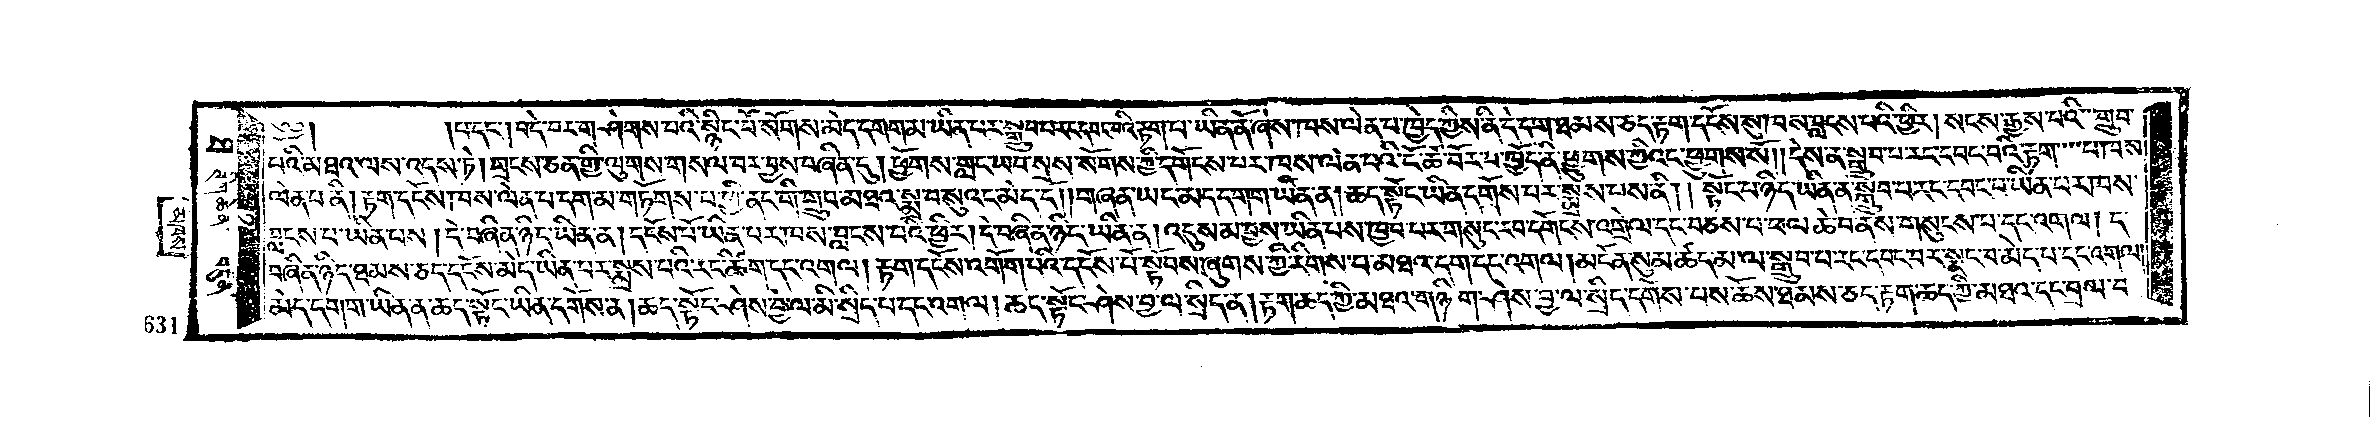༄༅། །པ་དང་། བདེ་བར་གཤེགས་པའི་སྙིང་པོ་སོགས་མེད་དགག་མ་ཡིན་པར་སྒྲུབ་པར་རང་དབང་བའི་རྟག་པ་ཡིན་ནོ་ཞེས་ཁས་ལེན་པ་ཁྱེད་ཀྱིས་ནི་དེ་དག་ཐམས་ཅད་རྟག་དངོས་སུ་ཁས་བླངས་པའི་ཕྱིར། སངས་རྒྱས་པའི་གྲུབ་
པའི་མཐའ་ལས་འདས་ཏེ། གྲངས་ཅན་གྱི་ལུགས་གསལ་བར་བྱས་བཞིན་དུ། ཕྱོགས་གླང་ཡབ་སྲས་སོགས་ཀྱི་དགོངས་པར་ཁས་ལེན་པའི་ངོ་ཚ་བོར་པ་ཁྱོད་ནི་ཕྱུགས་ཀྱིའང་ཕྱུགས་སོ། །དེས་ན་སྒྲུབ་པ་རང་དབང་བའི་རྟག་པ་ཁས་
ལེན་པ་ནི། རྟག་དངོས་ཁས་ལེན་པ་དག་མ་གཏོགས་པ་ཕྱི་ནང་གི་གྲུབ་མཐའ་སྨྲ་བ་སུ་འང་མེད་དོ། །གཞན་ཡང་མེད་དགག་ཡིན་ན། ཅཧད་སྟོང་ཡིན་དགོས་པར་སྨྲ་པས་ནི། །སྟོང་པ་ཉིད་ཡིན་ན་སྒྲུབ་པ་རང་དབང་པ་ཡིན་པར་ཁས་
བླངས་པ་ཡིན་པས། དེ་བཞིན་ཉིད་ཡིན་ན། དངོས་པོ་ཡིན་པར་ཁས་བླངས་པའི་ཕྱིར། དེ་བཞིན་ཉིད་ཡིན་ན། འདིས་མ་བྱས་ཡིན་པས་ཁྱབ་པར་གསུང་རབ་དགོངས་འགྲེལ་དང་བཅས་པ་ཕལ་ཆེ་བ་ནས་གསུངས་པ་དང་འགལ།དེ་
བླངས་པ་ཡིན་པས། དེ་བཞིན་ཉིད་ཡིན་ན། དངོས་པ༠ཨོ་ཡིན་པར་ལྦངས་པའི་ཕྱིར། དེ་བཞིན་ཉིད་ཡིན་ན། འདུས་མ་བྱས་ཡིན་པས་ཁྱབ་པར་གསུང་རབ་དགོངས་འགྲེལ་དང་བཅས་པ་ཕལ་ཆེ་བ་ནས་གསུངས་པ་དང་འགལ། དེ་
བཞིན་ཉིད་ཐམས་ཅད་དངོས་མེད་ཡིན་པར་སྨྲས་པའི་རང་ཚིག་དང་འགལ། རྟག་དངོས་འགོག་པའི་དངོས་པོ་སྟོབས་ཞུགས་ཀྱི་རིགས་པ་མཐའ་དག་དང་འགལ། མངོན་སུམ་ཚད་མ་ལ་སྒྲུབ་པ་རང་དབང་བར་སྣང་བ་མེད་པ་དང་འགལ།
མེད་དགག་ཡིན་ན་ཆད་སྟོང་ཡིན་དགོས་ན། ཆད་སྟོང་ཤེས་བྱ་ལ་མི་སྲིད་པ་དང་འགལ། ཆད་སྟོང་ཤེས་བྱ་ལ་སྲིད་ན། རྟག་ཆད་ཀྱི་མཐའ་གཉི་ག་ཤེས་བྱ་ལ་སྲིད་དགོས་པས་ཆོས་ཐམས་ཅད་རྟག་ཆད་ཀྱི་མཐའ་དང་བྲལ་བ་